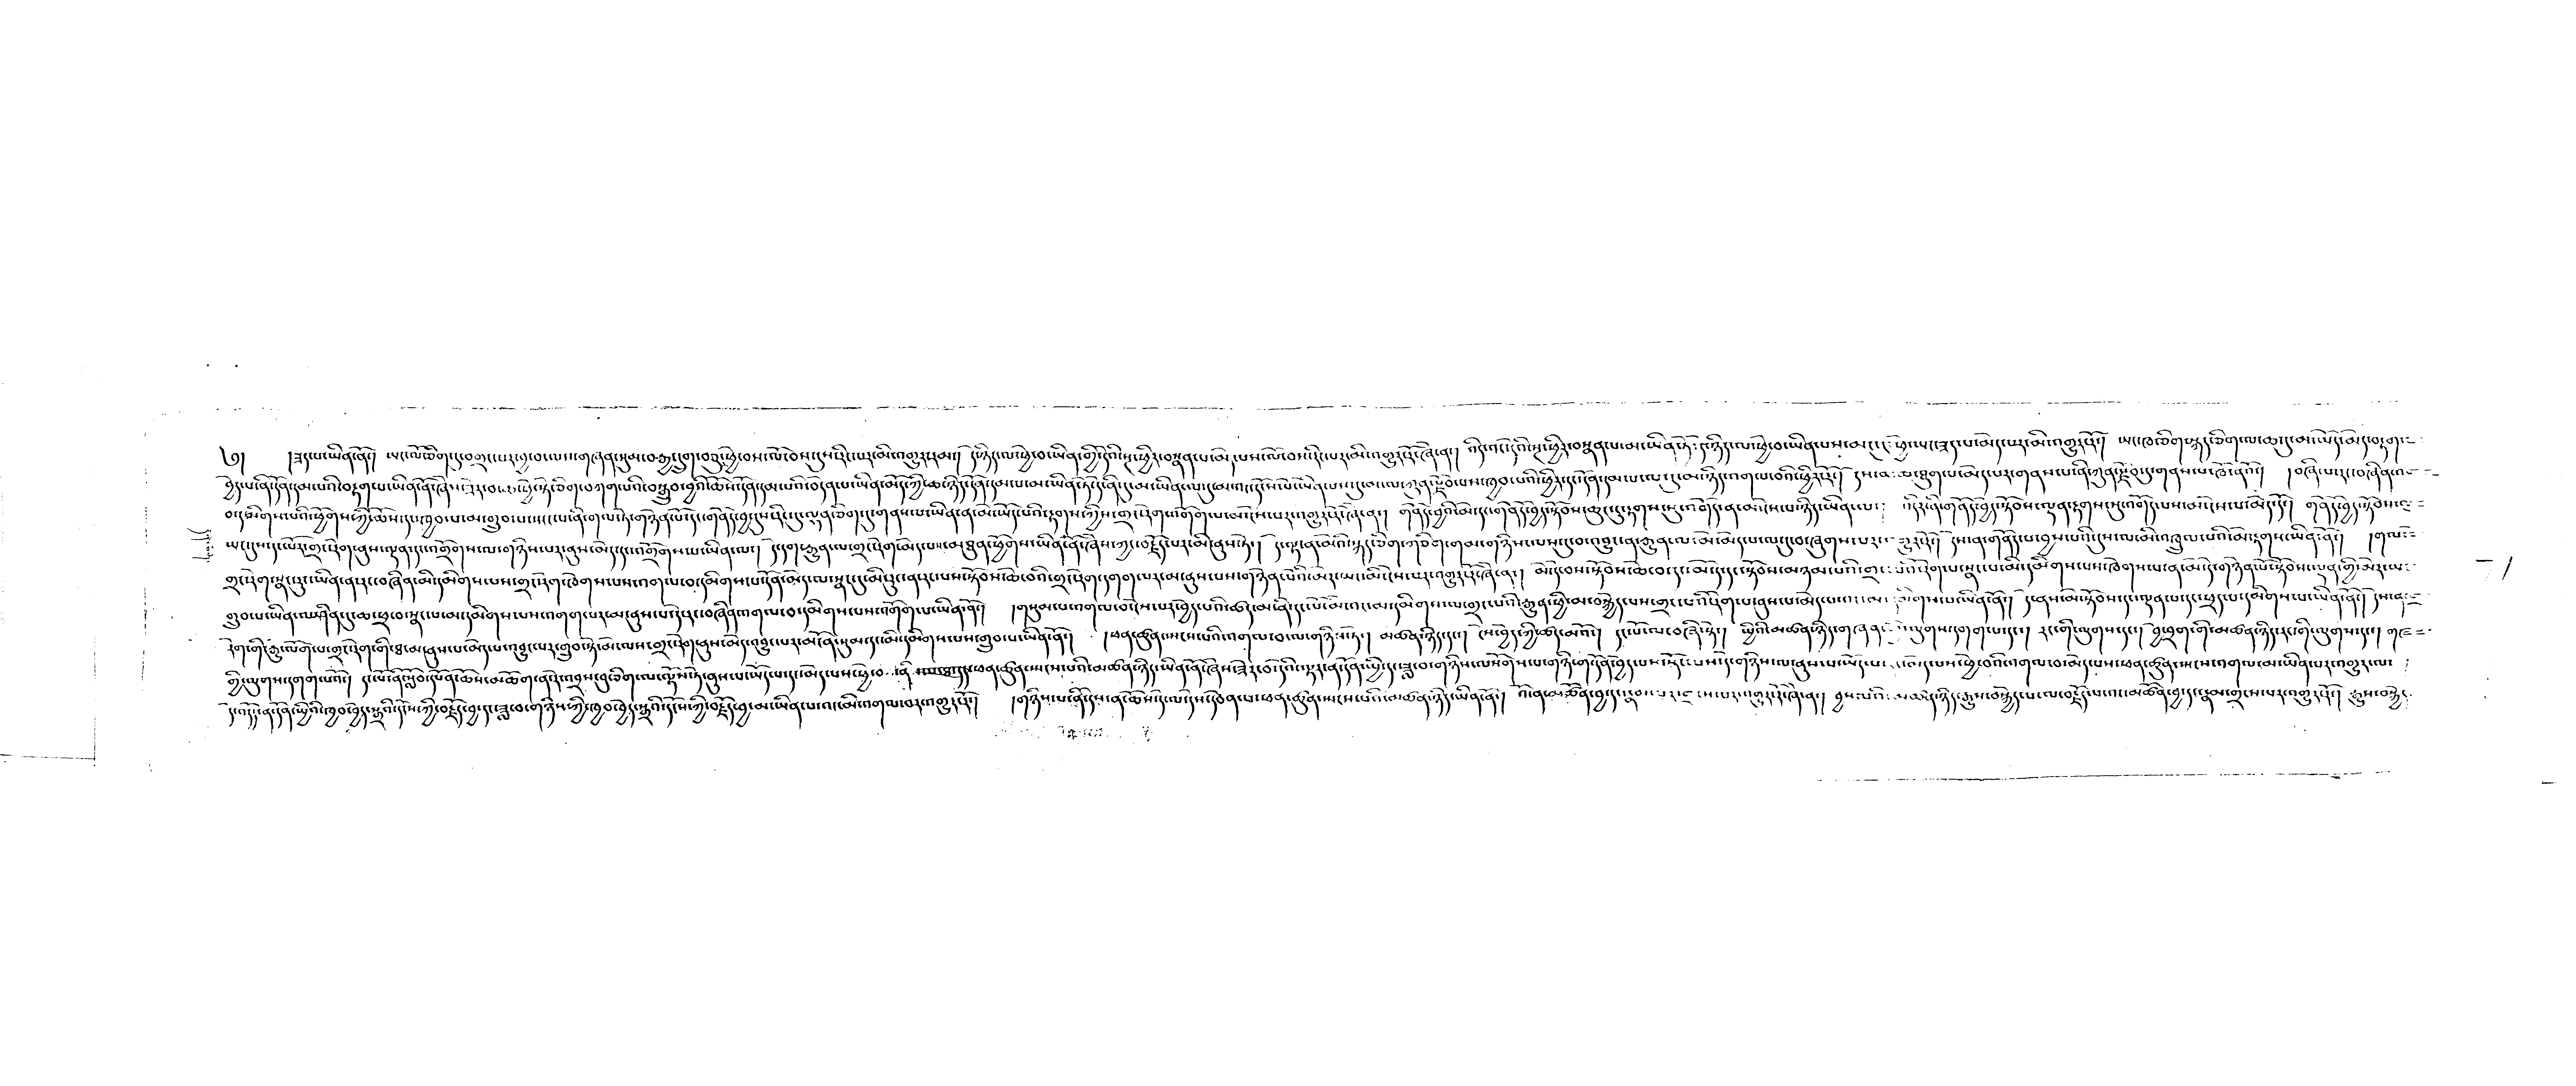༈། །ཟད་པ་ཡིན་ནོ། ཡང་ལོ་ཅིག་དུ་བགྲང་པར་བྱ་བ་ལས་གཞན་སུམ་བརྒྱ་དྲུག་བཅུ་ཕྱེ་བས་ལོ་བས་དུས་རིང་པར་མི་འགྱུར་རམ། དེ་ཉིད་ལ་ཕྱེ་བ་ཡིན་གྱི་དེའི་སྔ་ཕྱིར་བསྣན་པ་མེད་པས་ལོ་བས་རིང་པར་མི་འགྱུར་རོ་ཞེ་ན། འདི་འང་དེའི་སྔ་ཕྱིར་བསྣན་པ་མ་ཡིན་ཏེ་དེ་ཉིད་ལ་ཕྱེ་བ་ཡིན་པས་མང་དུ་ཕྱེ་ཡང་ཟད་པ་མེད་པར་མི་འགྱུར་རོ། ཡང་ཁ་ཅིག་སྐད་ཅིག་ལ་ཆ་དུ་མ་ཡོད་མེད་བརྟག་
བྱེད་པ་ནི་དོན་དམ་པའི་བརྟག་པ་ཡིན་ནོ་ཞེས་ཟེར་བ་ཆ་ཕྱེ་སྟེ་ཅིག་བཀག་པའི་བསྒྲུབ་བྱའི་ཆོས་དོན་དམ་པའི་བདེན་པ་ཡིན་མོད་ཀྱི་ཆ་ཉིད་དོན་དམ་པ་མ་ཡིན་ཏེ་དེ་ནི་དུ་མ་ཡིན་ལ་དུ་མ་འང་དངོས་པོ་ཡིན་པས་དུ་མ་ལ་ཀུན་རྫོབ་པས་ཁྱབ་པའི་ཕྱིར་དང་དོན་དམ་པ་ལ་དུ་མ་ཉིད་འགལ་བའི་ཕྱིར་རོ། དེས་མ་ཆ་ཐུག་པ་མེད་པར་གནས་པ་ནི་ཀུན་རྫོབ་དུ་གནས་པ་ཁོ་ནའོ། །བཞི་པ་རང་བཞིན?
བ་དམིགས་པའི་ཕྱོགས་ཀྱི་ཆོས་དང་ཁྱབ་པ་མ་གྲུབ་པ་སྤང་པ་ནི་གལ་ཏེ་གཉེན་པོ་དེ་གནོད་བྱ་དུས་རིང་དུ་ལྷན་ཅིག་དུ་གནས་པ་ཡིན་ན་མེ་ཡོད་པའི་རྟགས་ཀྱིས་གྲང་རེགས་གོག་པ་མ་ངེས་པར་འགྱུར་རོ་ཞེ་ན། གནོད་བྱའི་མེ་དང་གནོད་བྱེད་སྟོབས་ཆུང་ངུ་རྟགས་སུ་འགོད་ན་མ་ངེས་པ་ཉིད་ཡིན་ལ། འདིར་ནི་གནོད་བྱེད་སྟོབས་ལྡན་རྟགས་སུ་འགོད་པས་མ་ངེས་པ་མེད་དོ། གནོད་བྱེད་སྟོབས་?
ཡང་དུས་དང་པོར་གྲང་རེག་ནུས་ལྡན་དང་འགྲོགས་ལ་གཉིས་པར་ནུས་མེད་དང་འགྲོགས་པ་ཡིན་ལ། དེ་དག་རྒྱུན་ལ་གྲང་རེག་མེད་པས་མཐུན་ཕྱོགས་ཡིན་ནོ་ཞེས་ཀྱང་བརྗོད་པར་མི་ནུས་ཏེ། དེ་ལྟ་ན་མེའི་སྐད་ཅིག་གཅིག་གམ་གཉིས་ལས་དུ་བ་འབྱུང་ན་རྒྱུན་ལ་མེ་མེད་པ་ལ་དུ་བ་ཞུགས་པར་འགྱུར་རོ། དེས་ན་གནོད་པ་བྱས་པའི་དུས་ལ་མི་འཁྲུལ་པའི་མེ་རྟགས་ཡིན་ནོ། །གལ་?
གྲང་རེག་སྣང་རུང་ཡིན་ན་རང་བཞིན་མི་དམིགས་པས་གྲང་རེག་ཁེགས་པས་འགལ་བ་དམིགས་པ་དོན་མེད་ལ་སྣང་དུ་མི་རུང་ན་རང་པས་སྟོབས་ཆེ་བའི་གྲང་རེག་དགག་པར་མ་ནུས་པས་གཉེན་པོའི་མེར་ཡང་མི་ངེས་པར་འགྱུར་རོ་ཞེ་ན། མེ་དེ་བས་སྟོབས་ཆེ་བ་དང་མེ་དེ་དང་སྟོབས་མཉམ་པའི་གྲང་པའི་རེག་པ་སྣང་པ་མི་དམིགས་པས་ཁེགས་པ་ན་མེ་དེ་གཉེན་པོ་སྟོབས་ལྡན་གྱི་མེར་ཡང?
གྲུབ་པ་ཡིན་ལ་ཤིན་དུ་ཆ་ཕྲ་བ་སྣང་པ་མ་དམིགས་པས་འགག་པར་མ་ནུས་པ་དེ་རང་བཞིན་འགལ་བ་དམིགས་པས་འགོག་པ་ཡིན་ནོ། །གསུམ་པ་འགལ་བ་ངེས་པར་བྱེད་པའི་ཚད་མ་ནི་དང་པོ་མེ་འང་མ་དམིགས་ལ་གྲང་པའི་རྒྱུན་ཕྱི་མ་བསྐྱེད་པས་གྲང་པའི་རེག་པ་ནུས་པ་མེད་པའང་མ་དམིགས་པ་ཡིན་ནོ། དེ་ནས་མེ་སྟོབས་དང་ལྡན་པ་དང་ཕྲད་པ་དམིགས་པ་ཡིན་ནོ། དེས་ན་?
རེག་གི་རྒྱུ་ལོག་པ་གྲང་རེག་གི་ཐ་མ་ནུས་པ་མེད་པ་འབྱུང་པར་གྲུབ་སྟེ་མེ་ལས་གྲང་རེག་ནུས་མེད་འབྱུང་པར་མངོན་སུམ་དང་མི་དམིགས་པས་གྲུབ་པ་ཡིན་ནོ། །ཕན་ཚུན་སྤངས་པའི་འགལ་བ་ལ་གཉིས་ཏེ། མཚན་ཉིད་དང་། ངེས་བྱེད་ཀྱི་ཚད་མའོ། དང་པོ་ལ་བཞི་སྟེ། སྤྱིའི་མཚན་ཉིད་གཞན་གྱི་ལུགས་དགག་པ་དང་། རང་གི་ལུགས་དང་། བྱེ་བྲག་གི་མཚན་ཉིད་རང་གི་ལུགས་དང་། གཞན་
གྱི་ལུགས་དགག་པའོ། དང་པོ་ནི་སློབ་དཔོན་ཆོས་མཆོག་ན་རེ་འབྲས་བུ་ཅིག་ལ་ལྟོས་ཏེ་ནུས་པ་ཡོད་པ་དང་མེད་པས་ཕྱེ་བ་ནི་ཕན་ཚུན་སྤངས་པའི་མཚན་ཉིད་ཡིན་ནོ་ཞེས་ཟེར་བ་དེའི་ལྟར་ན་དོན་སྤྱི་དང་ཟླ་བ་གཉིས་ལ་སོགས་པ་གཉི་ག་དོན་བྱེད་པས་སྟོང་པས་དེ་གཉིས་ལ་ནུས་པ་ཡོད་པ་དང་མེད་པས་ཕྱེ་བའི་འགལ་བ་མེད་པས་ཕན་ཚུན་སྤངས་འགལ་མ་ཡིན་པར་འགྱུར་ལ་
དེ་འདོད་ན་དོན་སྤྱིའི་ཁྱབ་བྱེད་སྒྲའི་དངོས་ཀྱི་བརྗོད་བྱ་དང་ཟླ་བ་གཉིས་ཀྱི་ཁྱབ་བྱེད་སྒྲའི་དངོས་ཀྱི་བརྗོད་བྱ་མ་ཡིན་པ་འང་མི་འགལ་བར་འགྱུར་རོ། །གཉིས་པ་ནི་དེས་ན་ཆོས་དེ་ལ་དེས་དབེན་པ་ཕན་ཚུན་སྤངས་པའི་མཚན་ཉིད་ཡིན་ནོ། འོ་ན་མཚོན་བྱ་དང་རྣམ་པར་གྲངས་པར་འགྱུར་རོ་ཞེ་ན། བྱས་པའི་མཚན་ཉིད་རྒྱུས་བསྐྱེད་པ་ལ་བརྗོད་པ་འང་མཚོན་བྱ་དང་རྣམ་གྲངས་པར་འགྱུར་རོ། རྒྱུས་བསྐྱེད་